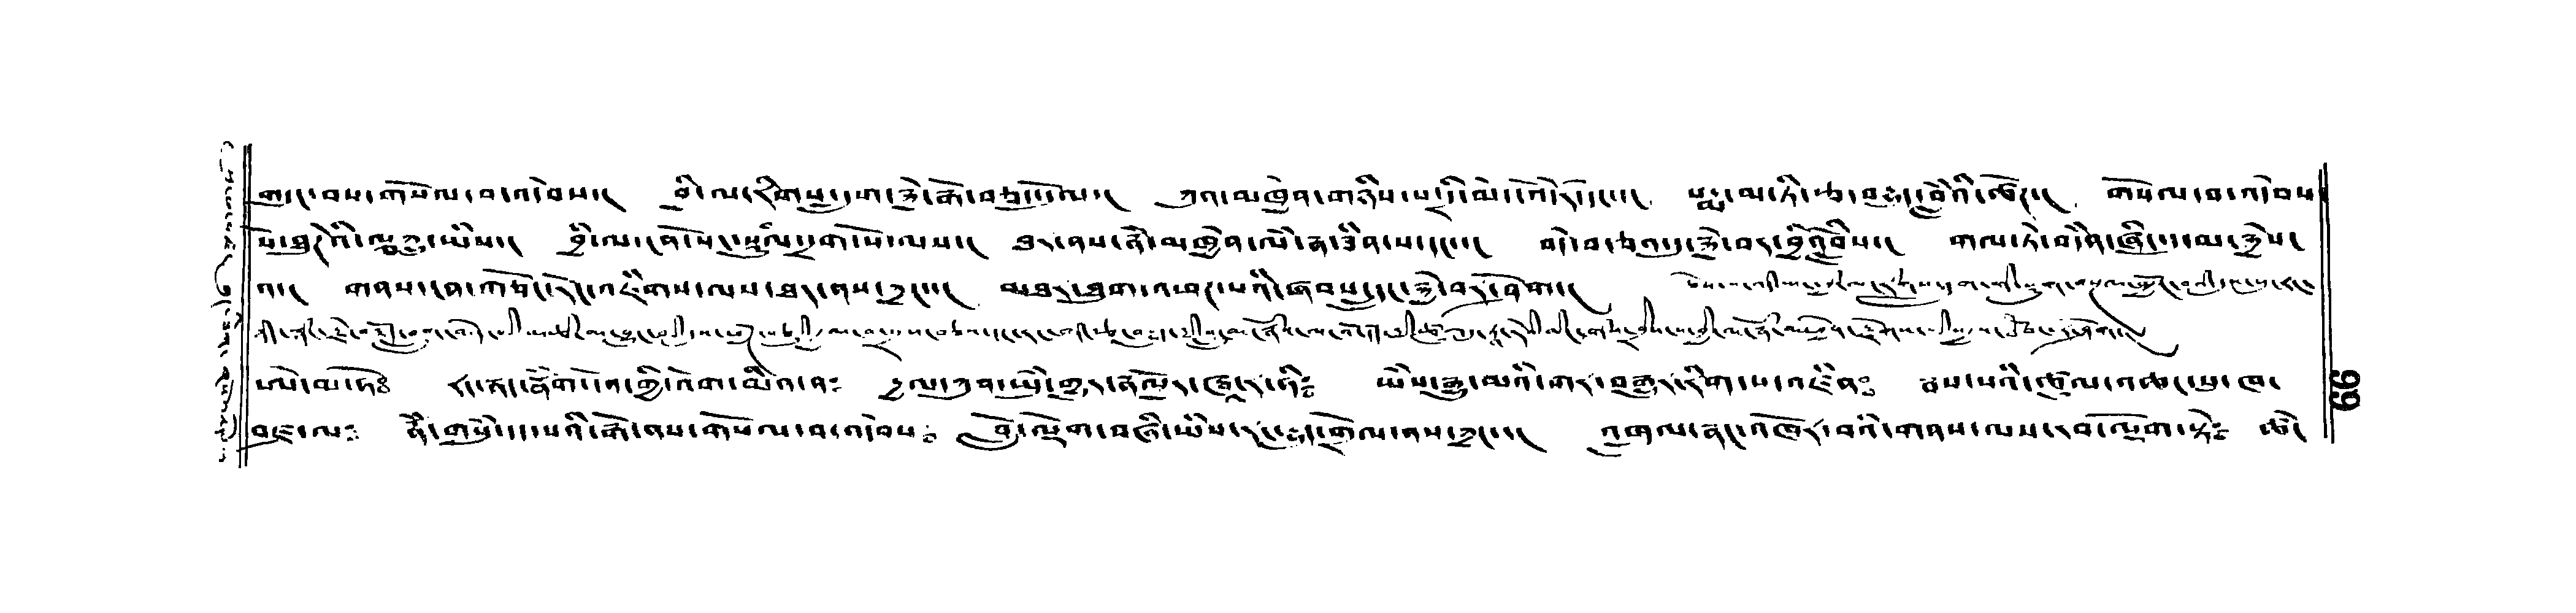གདུང་བས་གསོལ་བ་འདེབས། །བྱི་ལ་རིགས་དྲུག་སྐྱེ་སྒོ་བཅད་དུ་གསོལ། །ཀུན་མཁྱེན་གཉིས་པ་དྲི་མེད་འོད་ཟེར་དང་། །པདྨ་མ་ཏི་རྩ་བརྒྱུད་བླ་མའི་ཚོགས། །གསོལ་བ་འདེབས་
སོ་ཐུགས་རྗེའི་ལྕགས་ཀྱུ་ཡིས། །བྱི་ལ་ངན་སོང་སྡུག་བསྔལ་དྲག་པོ་ལས། །ཐར་ནས་རྣམ་མཁྱེན་ལམ་སྣ་ཟིན་པ་དང་། །བདེ་བ་ཅན་དུ་སྐྱེ་བར་བྱིན་གྱིས་རློབས། །གལ་ཏེ་བདེ་ཆེན་ཞིང་དུ་མ་སྐྱེས་
ན། །གནས་ངན་གཅོང་རོང་འཇིགས་ལས་ཐར་ནས་ཀྱང་། །མཐར་ཐུག་འཕགས་པའི་ཞབས་དྲུང་སྐྱེ་བར་ཤོག ཅེས་པ་འདི་ཡང་བྱི་ལ་རིགས་དྲུག་གི་སྡུག་བསྔལ་མྱོང་བའི་དུས་སུ་རང་
ཉིད་སྙིང་རྗེ་བཟོད་བླག་མེད་པའི་མཆི་མ་བྱུང་བའི་དུས་ཕྱོགས་བཅུའི་རྒྱལ་བ་སྲས་བཅས་དང་རང་གི་རྩ་བརྒྱུད་ཀྱི་བླ་མ་རྣམས་ལ་འོ་དོད་ཀྱི་ཚུལ་དུ་ཏཱ་རེའི་མིང་གིས་བྲིས་པ་བྱི་ལ་རྣམ་མཁྱེན་རྫོགས་པའི་སངས་རྒྱས་ཐོབ་པར་ཤོག
དགེའོ།། ཨེ་མ་ཧོཿ རང་སྣང་རྣམ་དག་དོན་གྱི་འོག་མིན་ནཿ རྒྱལ་ཀུན་ཡུམ་གྱུར་རྣལ་འབྱོར་ཝཱ་ར་ཧི༔ ཡེ་ཤེས་སྒྱུ་མའི་གར་བསྒྱུར་རིག་པ་འཛིན༔ སྦས་པའི་ཚུལ་འཆང་སུ་ཁ་
བཛྲ་ལ༔ རྣམ་གསུམ་དད་པའི་སྒོ་ནས་གསོལ་བ་འདེབས༔ བློ་ལྡོག་བཞི་ཡིས་རང་རྒྱུད་གྲོལ་ནས་ཀྱང༔ འཁྲུལ་སྣང་འཁོར་བའི་གནས་ལས་རབ་ལྡོག་སྟེ༔ ཚེ་